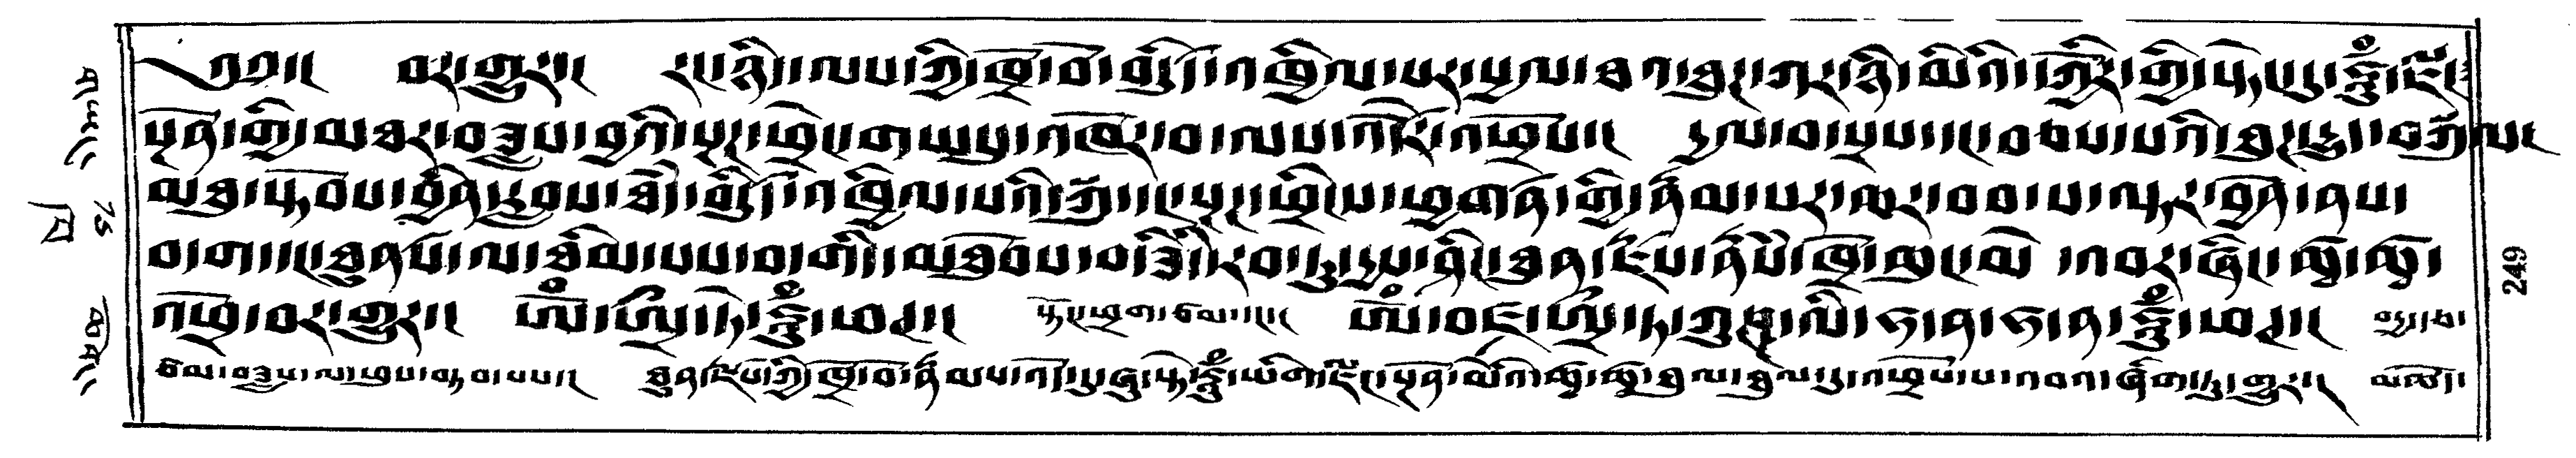བར་གྱུར། །རང་ཉིད་ལས་ཀྱི་ཁྲོ་བོ་བདུད་རྩི་འཁྱིལ་པར་གསལ་བའི་ཐུགས་ཀར་ཉི་མའི་དཀྱིལ་འཁོར་གྱི་སྟེང་དུ་ཧཱུྃ་ལྗང་
སྔོན་གྱི་མཐར་བཟླ་བྱའི་སྔགས་ཕྲེང་གཡས་སུ་འཁོར་བ་ལས་འོད་ཟེར་འཕྲོས།རྒྱལ་བ་སྲས་དང་བཅས་པའི་ཐུགས་རྒྱུད་སྐུལ། 
མཐུ་སྟོབས་བྱིན་རླབས་ཐམས་ཅད་བདུད་རྩི་འཁྱིལ་པའི་སྐུ་དང་སྔགས་ཕྲེང་ཕྱག་མཚན་གྱི་རྣམ་པར་ཆར་བབ་པ་ལྟར་བྱོན་ནས་
བདག་དང་ཐུན་རྫས་རྣམས་ལ་ཐིམ་པས་བདག་གི་མཐུ་སྟོབས་གཟི་བྱིན་རབ་ཏུ་རྒྱས་ཤིང་ཐུན་རྫས་རྣམས་ཁྲོ་ཆུང་མེ་འབར་ཞིང་ཚྭ་ཚྭ་
འཕྲོ་བར་གྱུར། ཨོཾ་ཨ་མྲྀ་ཏེ་ཧཱུྃ་ཕཊ། སྟོང་ཕྲག་ཙམ་དང་། ཨོཾ་བཛྲ་ཨ་མྲྀ་ཏ་ཀུནྜ་ལི་ཧ་ན་ཧ་ན་ཧཱུྃ་ཕཊ། བརྒྱ་རྩ་
ཙམ་བཟླས་ལ་ཕུས་བཏབ་པས། ཐུན་རྫས་ཀྱི་ཁྲོ་བོ་རྣམས་འོད་དུ་ཞུ་སྟེ་ཧཱུྃ་ཡིག་ལྗང་སྔོན་མེའི་ཚ་ཚ་ཐུལ་ཐུལ་དུ་འཕྲོས་པ་འབའ་ཞིག་ཏུ་གྱུར། མཆོད་